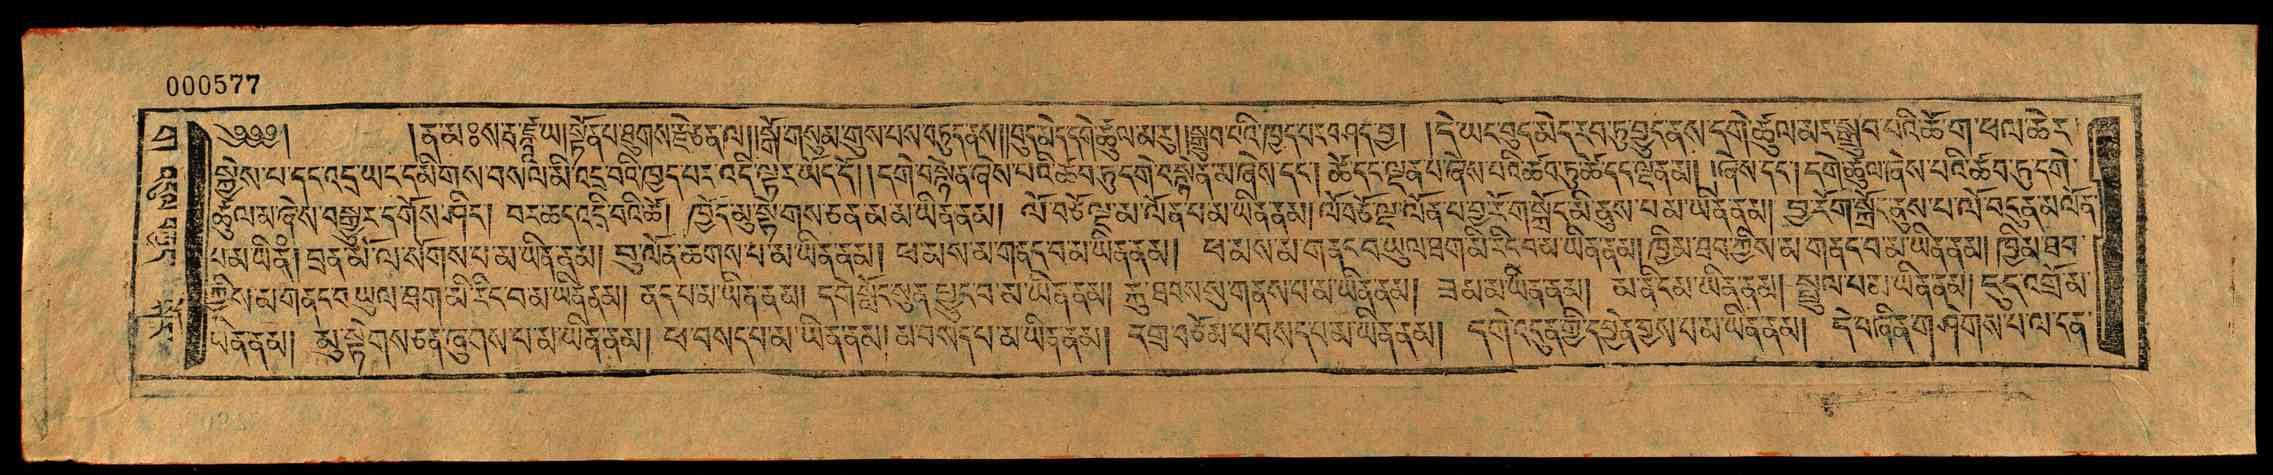༄༅། །ན་མཿ སརྦ་ཛྙཱ་ཡ། སྟོན་པ་ཐུགས་རྗེ་ཅན་ལ། །སྒོ་གསུམ་གུས་པས་བཏུད་ནས། །བུད་མེད་དགེ་ཚུལ་མ་རུ། །སྒྲུབ་པའི་ཁྱད་པར་བཤད་བྱ། །དེ་ཡང་བུད་མེད་རབ་ཏུ་བྱུང་ནས་དགེ་ཚུལ་མར་སྒྲུབ་པའི་ཆོ་ག་ཕལ་ཆེར་
སྐྱེས་པ་དང་འདྲ་ཡང་དམིགས་བསལ་མི་འདྲ་བའི་ཁྱད་པར་འདི་ལྟར་ཡོད་དོ། །དགེ་བསྙེན་ཞེས་པའི་ཚབ་ཏུ་དགེ་བསྙེན་མ་ཞེས་དང་། ཚེ་དང་ལྡན་པ་ཞེས་པའི་ཚབ་ཏུ་ཚེ་དང་ལྡན་མ། ཞེས་དང་། དགེ་ཚུལ་ཞེས་པའི་ཚབ་ཏུ་དགེ་
ཚུལ་མ་ཞེས་བསྒྱུར་དགོས་ཤིང་། བར་ཆད་འདྲི་བའི་ཚེ། ཁྱོད་མུ་སྟེགས་ཅན་མ་མ་ཡིན་ནམ། ལོ་བཅོ་ལྔ་མ་ལོན་པ་མ་ཡིན་ནམ། ལོ་བཅོ་ལྔ་ལོན་པ་བྱ་རོག་སྐྲོད་མ་ནུས་པ་མ་ཡིན་ནམ། བྱ་རོག་སྐྲོད་ནུས་པ་ལོ་བདུན་མ་ལོན་
པ་མ་ཡིན་ནཾ། བྲན་མོ་ལ་སོགས་པ་མ་ཡིན་ནམ། བུ་ལོན་ཆགས་པ་མ་ཡིན་ནམ། ཕ་མས་མ་གནང་བ་མ་ཡིན་ནམ། ཕ་མས་མ་གནང་བ་ཡུལ་ཐག་མི་རིང་བ་མ་ཡིན་ནམ། ཁྱིམ་ཐབ་ཀྱིས་མ་གནང་བ་མ་ཡིན་ནམ། ཁྱིམ་ཐབ་
ཀྱིས་མ་གནང་བ་ཡུལ་ཐག་མི་རིང་བ་མ་ཡིན་ནམ། ནད་པ་མ་ཡིན་ནམ། དགེ་སློང་སུན་ཕྱུང་བ་མ་ཡིན་ནམ། རྐུ་ཐབས་སུ་གནས་པ་མ་ཡིན་ནམ། ཟ་མ་མ་ཡིན་ནམ། མ་ནིང་མ་ཡིན་ནམ། སྤྲུལ་པ་མ་ཡིན་ནམ། དུད་འགྲོ་མ་
ཡིན་ནམ། མུ་སྟེགས་ཅན་ཞུགས་པ་མ་ཡིན་ནམ། ཕ་བསད་པ་མ་ཡིན་ནམ། མ་བསད་པ་མ་ཡིན་ནམ། དགྲ་བཅོམ་པ་བསད་པ་མ་ཡིན་ནམ། དགེ་འདུན་གྱི་དབྱེན་བྱས་པ་མ་ཡིན་ནམ། དེ་བཞིན་གཤེགས་པ་ལ་ངན་